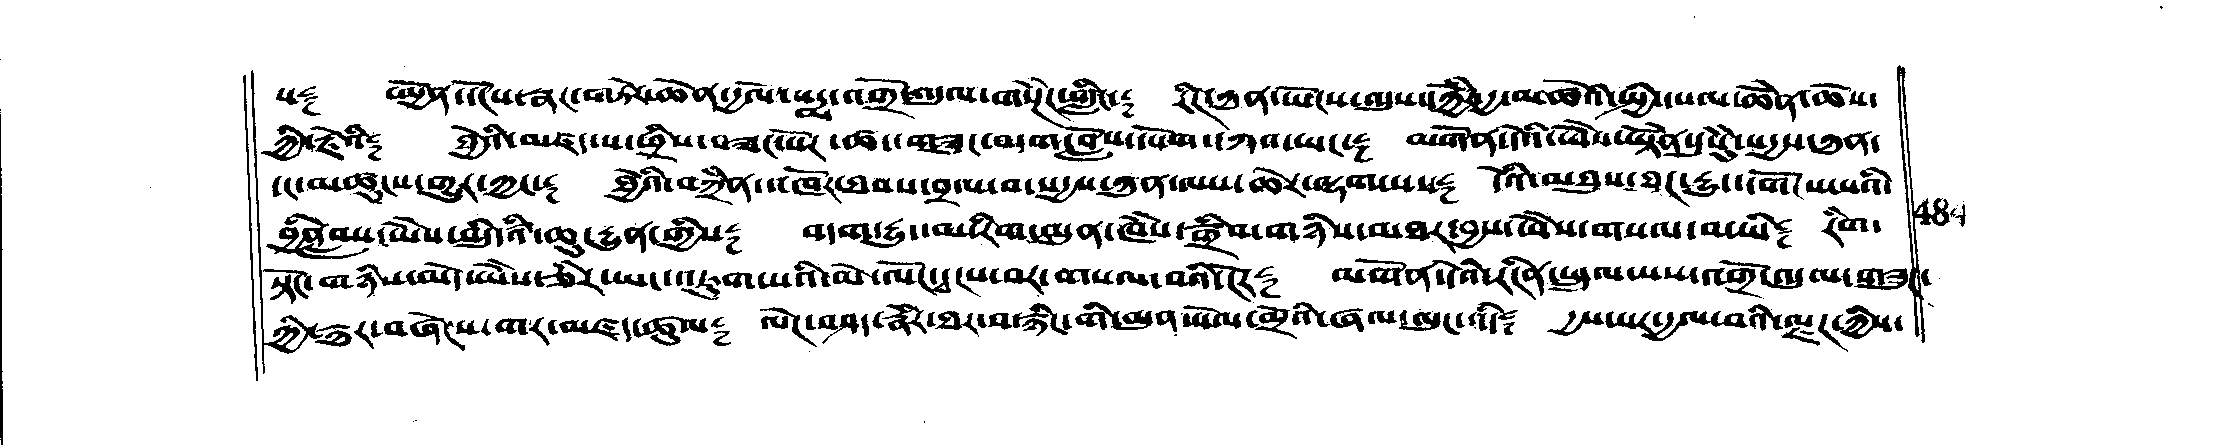པ། །ཨོ་རྒྱན་དངོས་སྣང་གཏེར་ཆེན་རྒྱལ་པོ་པདྨ་འགྲོ་འདུལ་གསང་སྔགས་གླིང་། །རིགས་ཀུན་ཡོངས་འདུས་དཀྱིལ་འཁོར་རྒྱ་མཚོའི་སྤྱི་དཔལ་ཆེན་པོ་ཆོས་
ཀྱི་རྗེའི། །ཐུགས་རྗེའི་མཛད་པ་ཕྲིན་ལས་བཟང་པོར་ཚད་གཟུང་བདག་བློས་དཔོག་དཀའ་ཡང་། །མགོན་དེའི་ཡེ་ཤེས་ཡོན་ཏན་དུས་གསུམ་སངས་རྒྱས་ཀུན་
དང་མཚུངས་གྱུར་ཀྱང་། །ཐུགས་རྗེའི་བཀའ་དྲིན་འཁོར་ཐབས་བྲལ་བ་སངས་རྒྱས་ཀུན་ལས་ཆེར་ལྷག་པས། །དེའི་མཐུས་ཐུགས་རྒྱུད་དགོངས་པའི་
བྱིན་རླབས་ཡེ་ཤེས་བདུད་རྩིའི་ཆུ་རྒྱུན་གྱིས། །བདག་རྒྱུད་མ་རིག་མུན་ཁམས་སྒྲིབ་གཉིས་མཐར་བྱས་ཡེ་ཤེས་གསལ་བ་ཡི། །རིག་
སྟོང་གཉིས་མེད་ཡེ་ཤེས་ཅིར་ཡང་འཇུག་པའི་མེ་ལོང་དྭངས་པར་གསལ་བའི་ངོར། །མགོན་དེའི་རང་བཞིན་སྤྲུལ་པས་འགྲོ་འདུལ་གཟུགས་
ཀྱི་སྐུར་བཞེངས་གར་མཛད་ཚུལ། །ལེགས་བཤད་རྣམ་པར་ཐར་པ་སྙིང་གི་མུན་སེལ་མཁའ་འགྲོའི་ཞལ་ལུང་འདི། །རྒྱས་པར་རྒྱལ་བའི་ལྗགས་ཀྱིས་